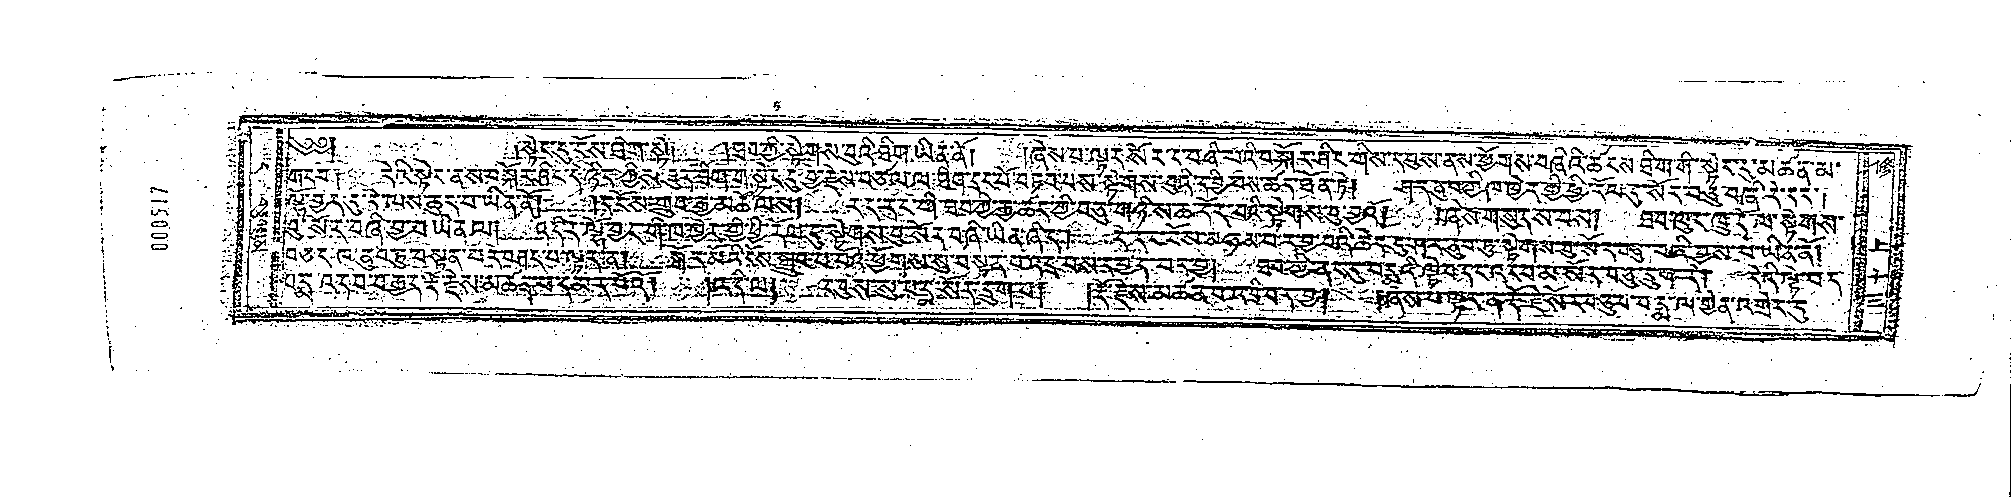༄༅། །སྟེང་དུ་ངོས་ཐིག་སྟེ། །ཐབ་ཀྱི་སྟེགས་བུའི་ཐིག་ཡིན་ནོ། །ཞས་པ་ལྟར་སོར་ང་བཞི་པའི་བསྐོར་ཤིང་གིས་དབུས་ནས་ཕྱོགས་བཞིའི་ཚངས་ཐིག་གི་སྟེང་དུ་མཚན་མ་
གདབ༑ དེའི་སྟེང་ནས་བསྐོར་ཤིང་དེ་ཉིད་ཀྱིས་ཟུར་ཐིག་གི་སྟེང་དུ་བྱ་རྗེས་བཙལ་ལ་ཐིག་དྲང་པོ་བཏབ་པས་སྟེགས་བུའི་དབྱིབས་ཚང་ཐོན་ཏེ། ཤར་ནུབ་ཀྱི་ཁ་ཁྱེར་གྱི་ཕྱི་རོལ་དུ་སོར་བཅུ་བཞི་རེ་དང་།
ལྷོ་བྱད་དུ་དེ་ལས་ཆུད་བ་ཡིན་ནོ། །དངོས་གྲུབ་རྒྱ་མཚོ་ལས། རང་རང་གི་ཐབ་ཀྱི་རྒྱ་ཚང་ཀྱི་བཅུ་གཉིས་ཆ་དོར་བའི་སྟེགས་བུ་བྱའོ། །ཞེས་གསུངས་པས། ཐབ་ཁུང་ཁྲུ་ངོ་ལ་སྟེགས་
ར་བས། མེ་ལྷའི་སྔགས་གཅིག་བུས་ཕུལ། གཞན་ཞིབ་དན་
གྱི་ཕྱི་རོལ་དུ་སྟེགས་བུ་སོར་བཞི་ཡིན་ཞིང་། དེ་དང་ངོས་མཉམ་པར་བྱ་བའི་ཆེད་དུ་ཤར་ནུབ་ཏུ་སྟེགས་བུ་སོར་བཅུ་བཞི་བྱས་པ་ཡིན་ནོ།
བཅད་ཁ་ནུབ་ཏུ་བསྟན་པར་བཤད་པ་ལྟར་ན། སྒོར་མོའི་ངོས་སྒྲུབ་པ་པོའི་ཕྱོགས་སུ་བསྟན་པ་འདྲ་བས་དབྱད་པར་བྱ། ཐབ་ཀྱི་ནང་དུ་པདམའི་ལྟེ་བ་དང་འདབ་མ་སོར་བཅུ་དྲུག་རེ། དེའི་ལྟེ་བར་
པདམ་འདབ་བརྒྱད་རྡོ་རྗེས་མཚན་པ་དམར་པོའོ། །འདི་ལ། དབུས་སུ་པདམ་སོར་དྲུག་པ། །རྡོ་རྗེས་མཚན་བ་འབྲི་བར་བྱ། །ཞེས་པ་ལྟར་ན་རྡོ་རྗེ་སོར་བཅུ་པ་པདམ་ལ་གྱེན་འགྲེང་དུ་